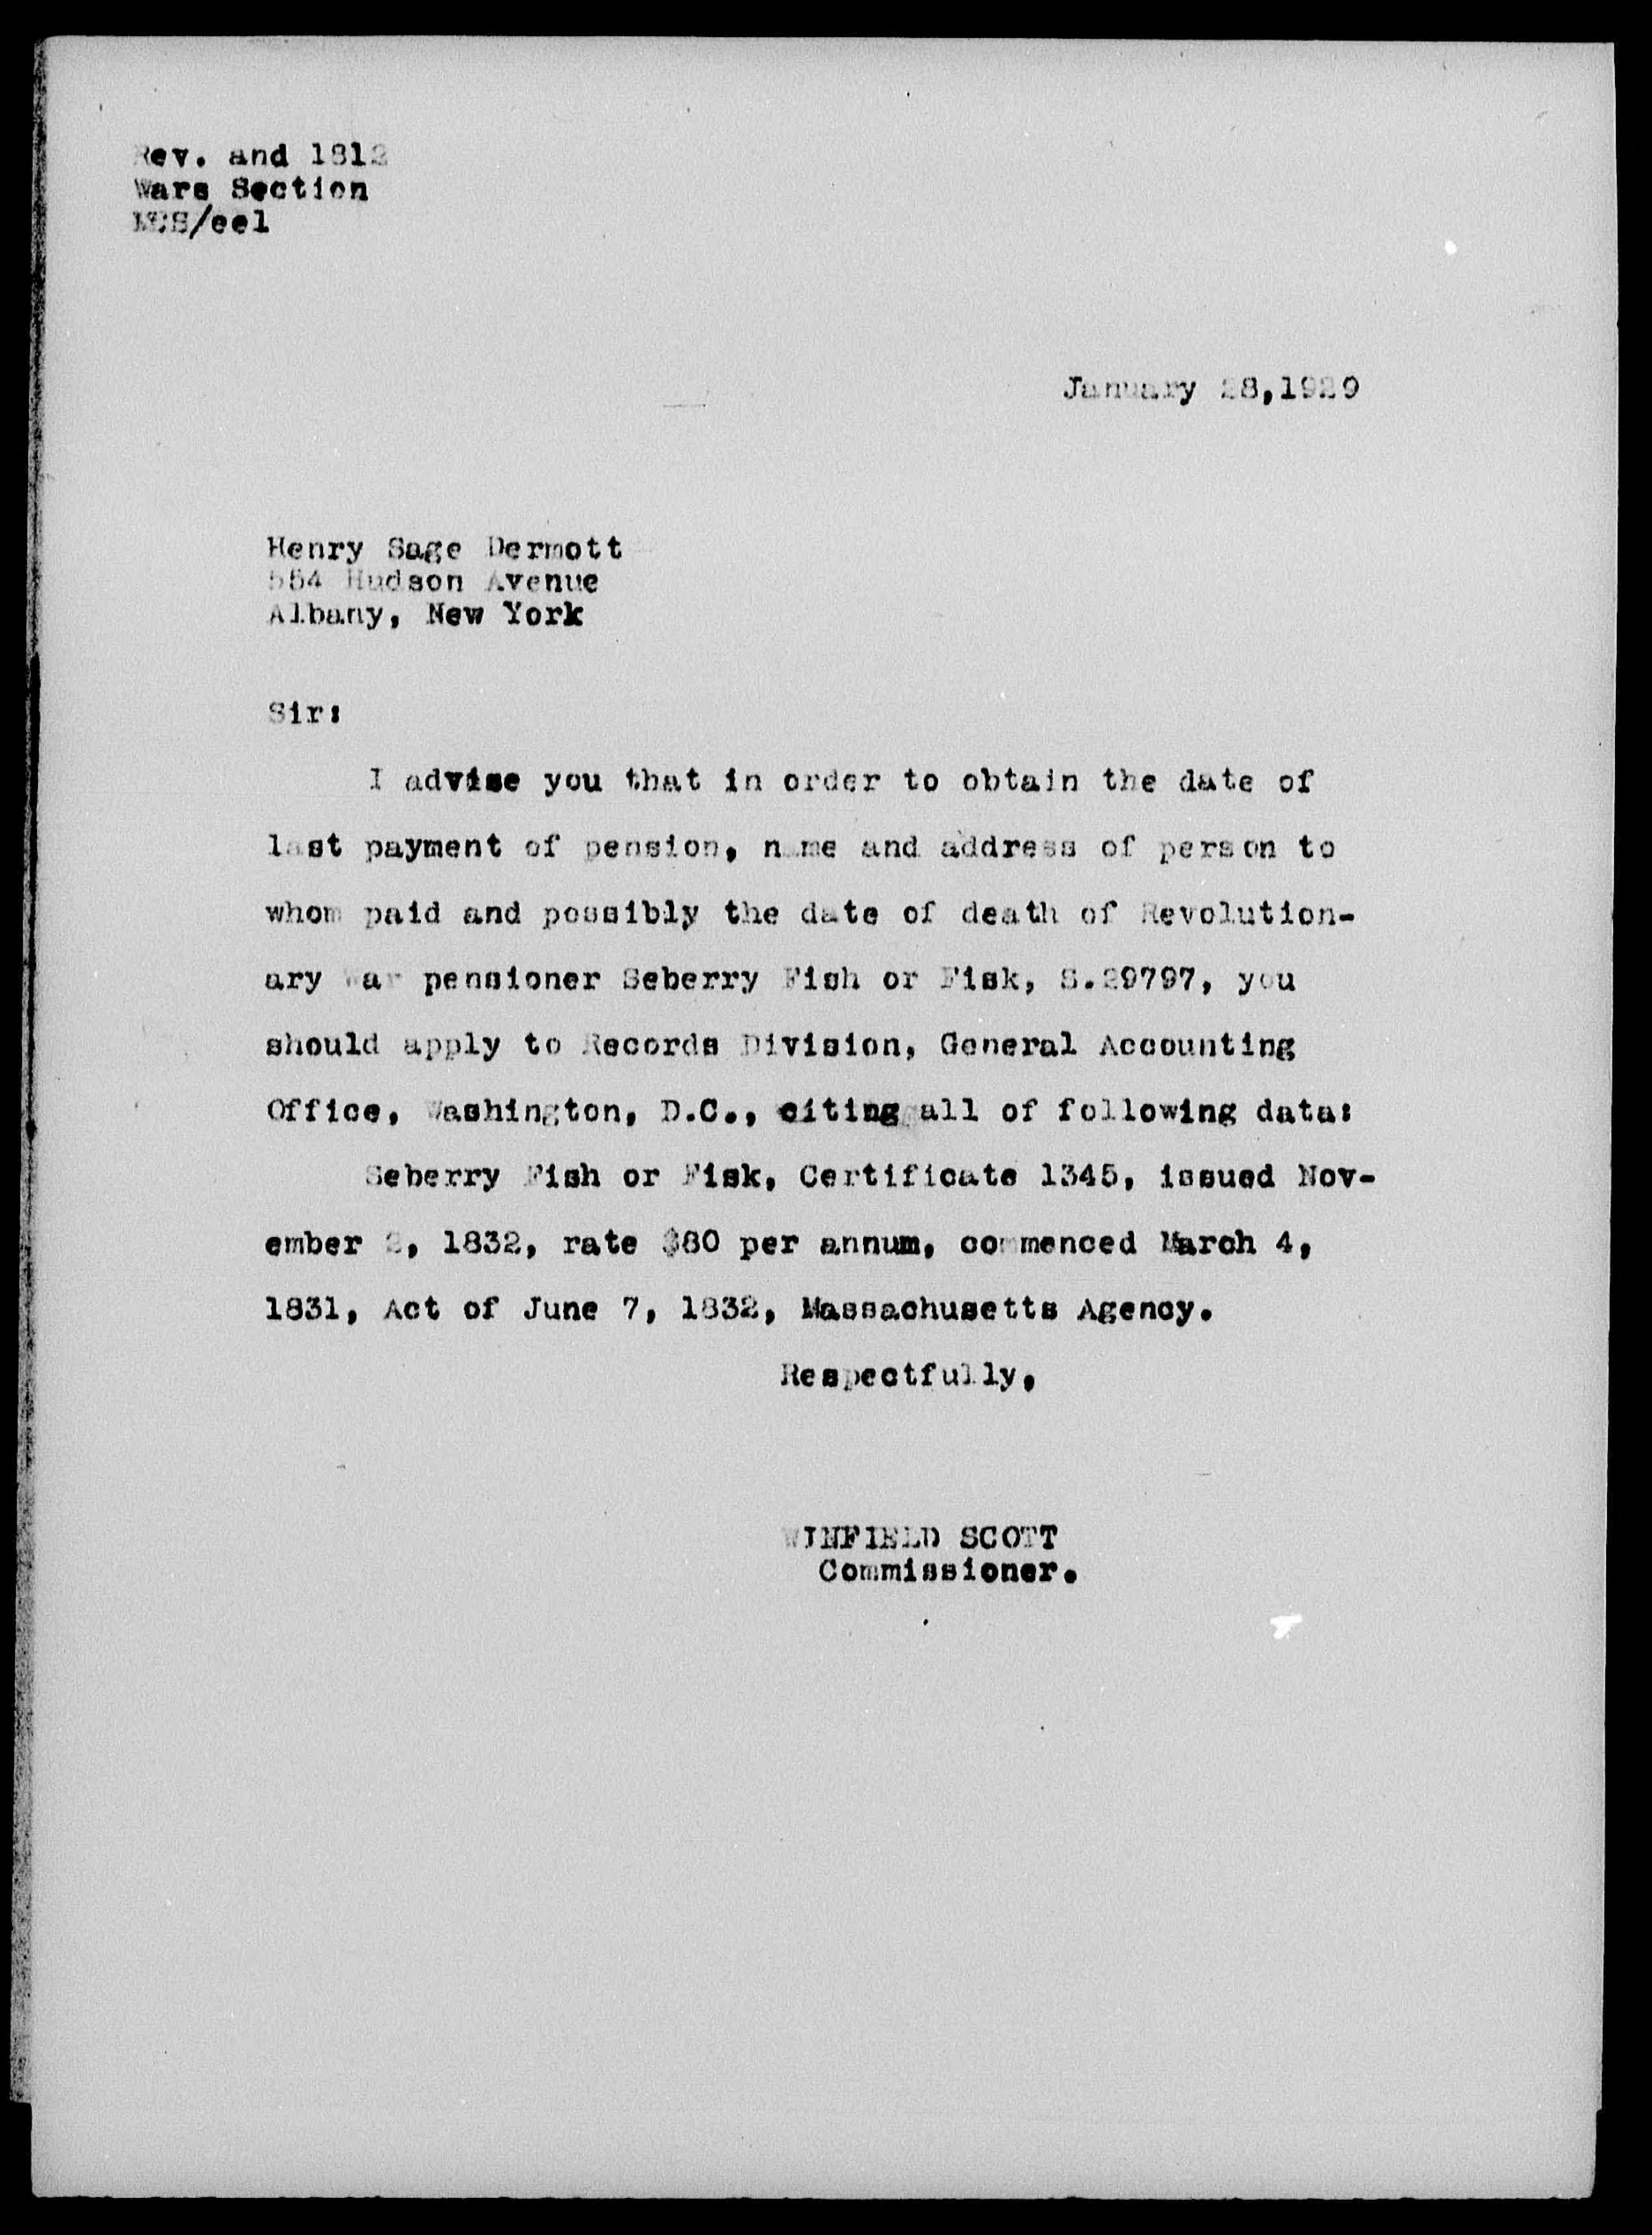[Typed letter]

Rev. and 1812 
Wars Section
[Blurry possible initials which appear to read:] KCS [or ACS]/eel

January 28, 1929

Henry Sage Dermott
554 Hudson Avenue
Albany, New York

Sir:  

I advise you that in order to obtain the date of last payment of pension, name and address of person to whom paid and possibly the date of death of Revolutionary War pensioner Seberry Fish or Fisk, S. 29797, you should apply to Records Division, General Accounting Office, Washington, D.C., citing all of following data:

Seberry Fish or Fisk, Certificate 1345, issued November 2, 1832, rate $80 per annum, commenced March 4, 1831, Act of June 7, 1832, Massachusetts Agency.

Respectfully,
[No signature]

WINFIELD SCOTT
Commissioner.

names: Seberry Fisk, Seberry Fish, Seberry Fish, Seberry Fisk, Henry Sage Dermott, Winfield Scott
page: 25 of 26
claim: survivor's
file: S. 29797, Seberry Fish, New York